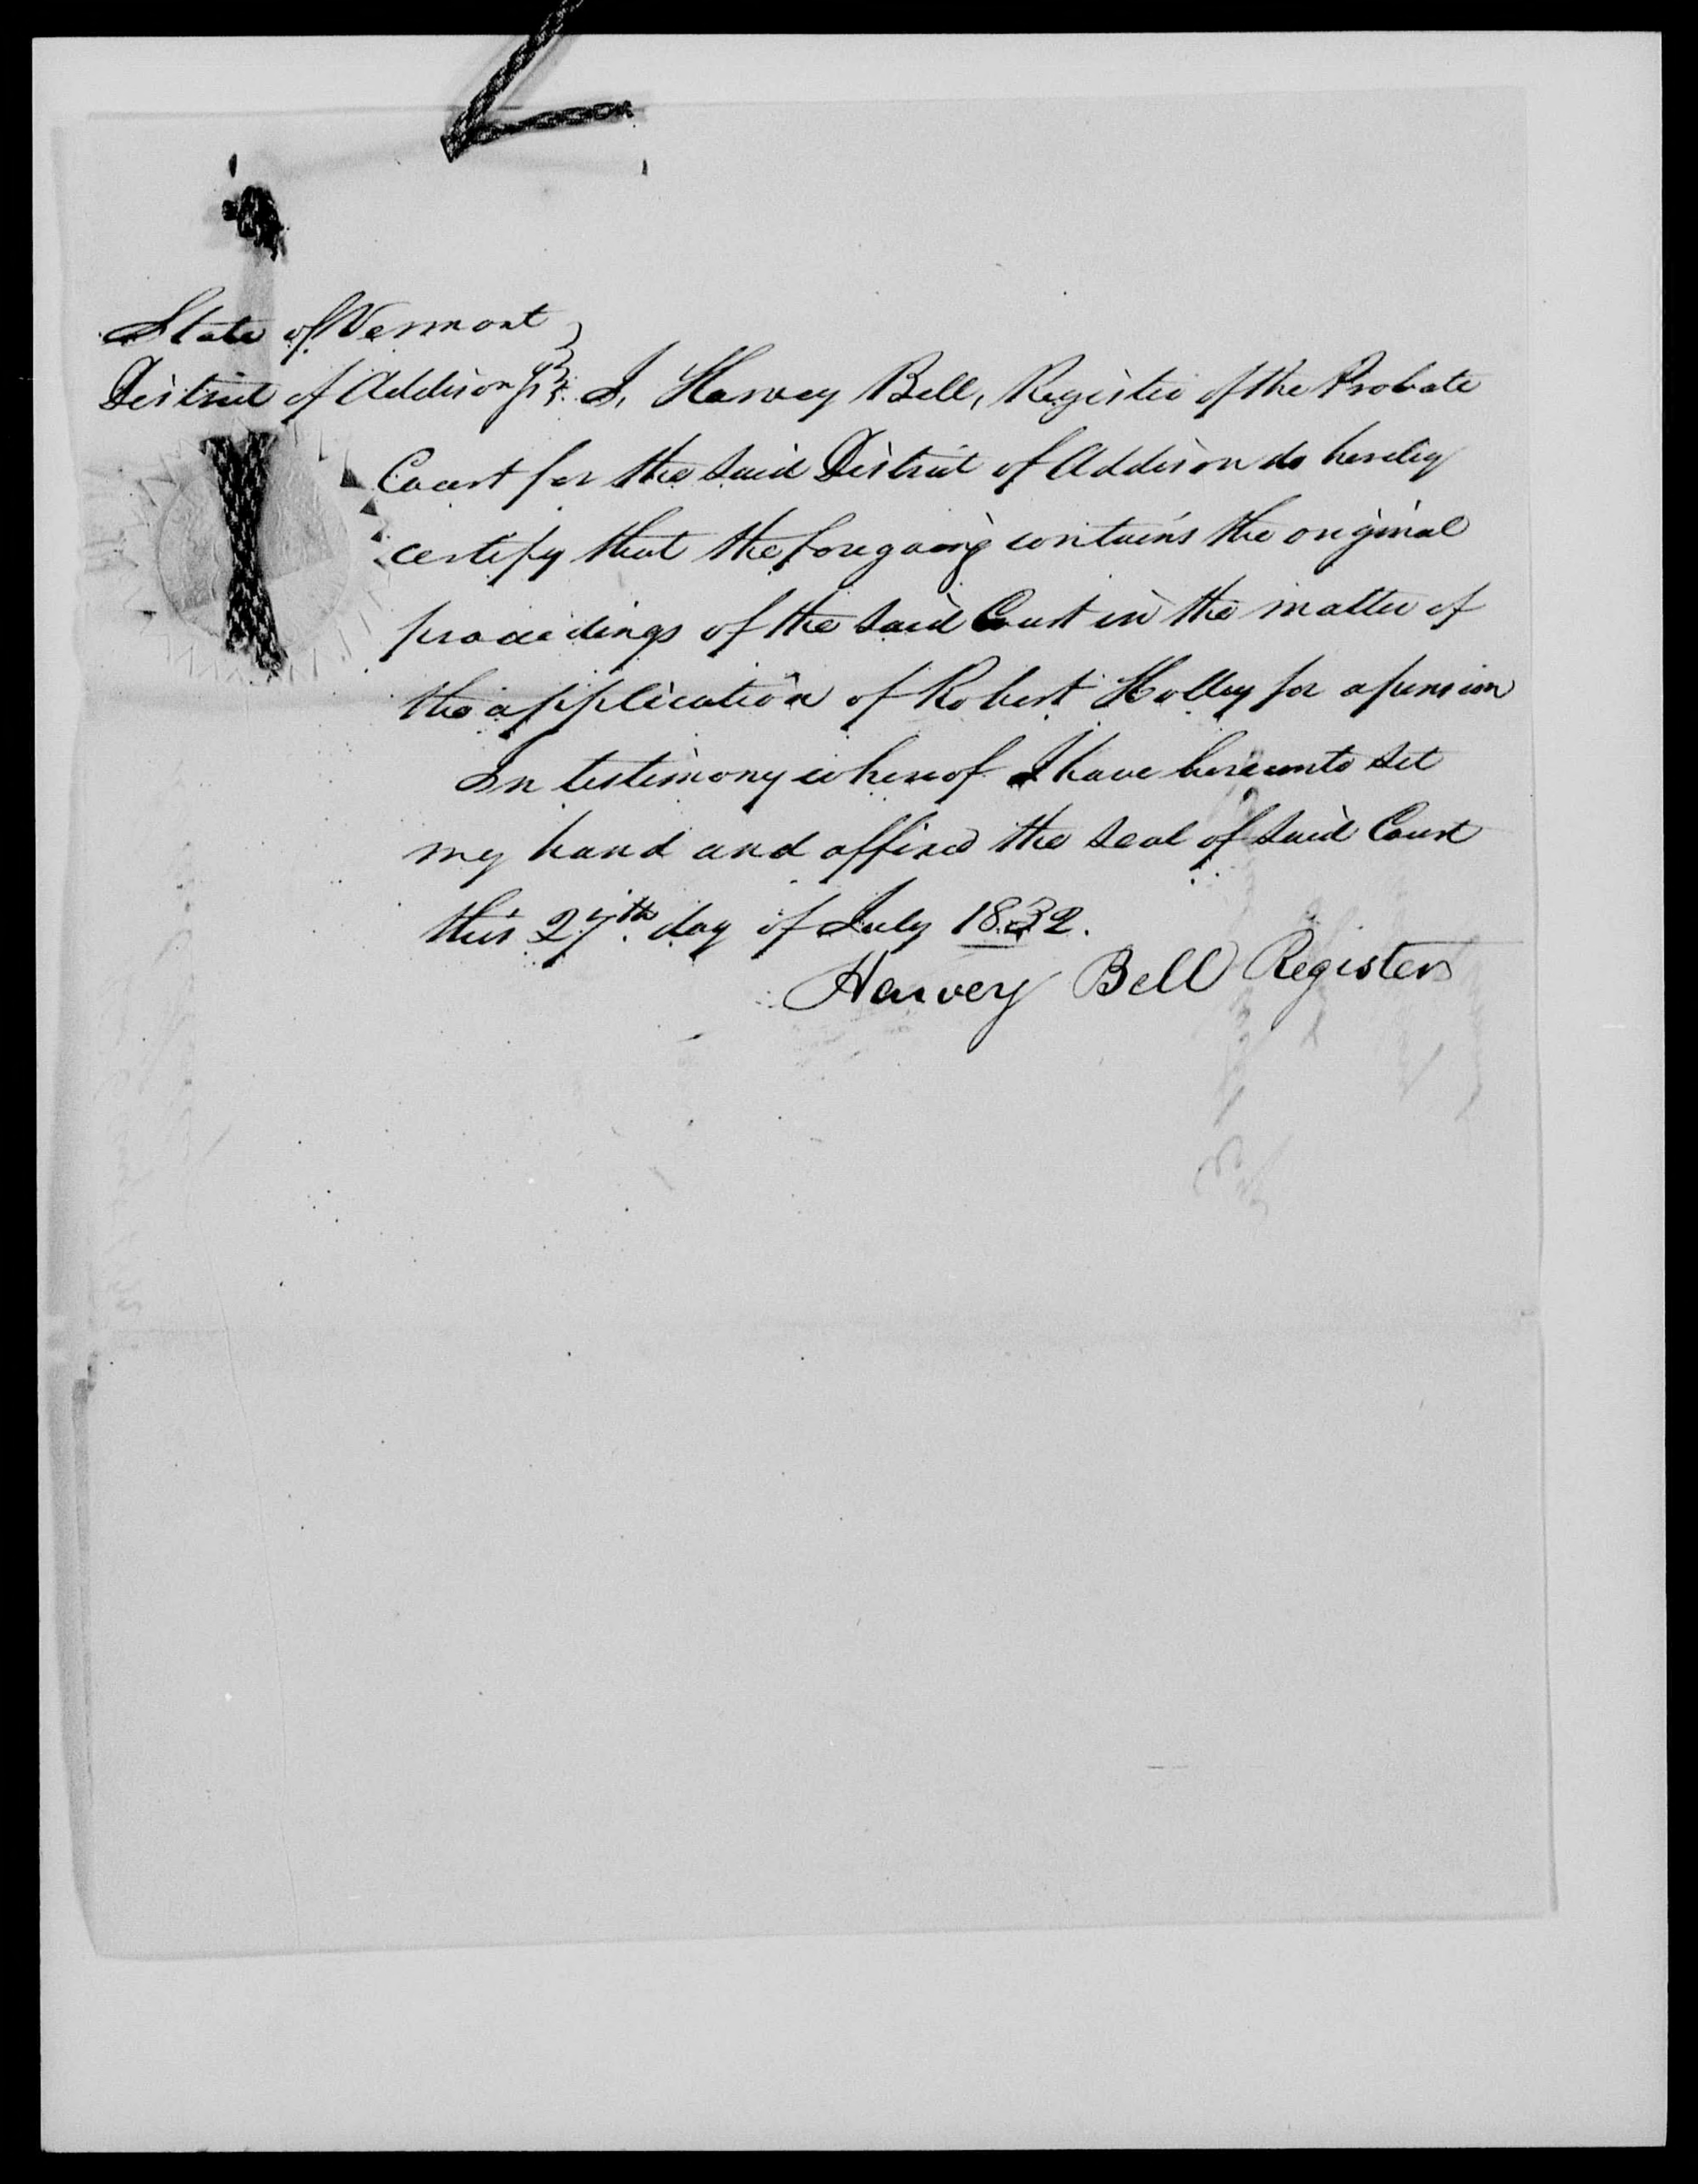State of Vermont
District of Addison
I, Harvey Bell, Register of the Probate
Court for the said District of Addison do hereby
certify that the foregoing contains the original
proceedings of the said Court in the matter of
the application of Robert Holley for a pension
In testimony whereof I have hereunto set
my hand and affixed the seal of said Court
this 27th day of July 1832
Harvey Ben
Register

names: Robert Holley, Harvey Bell, Harvey Bell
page: 57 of 62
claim: widow's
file: W. 21391, Robert Holley, Conn.